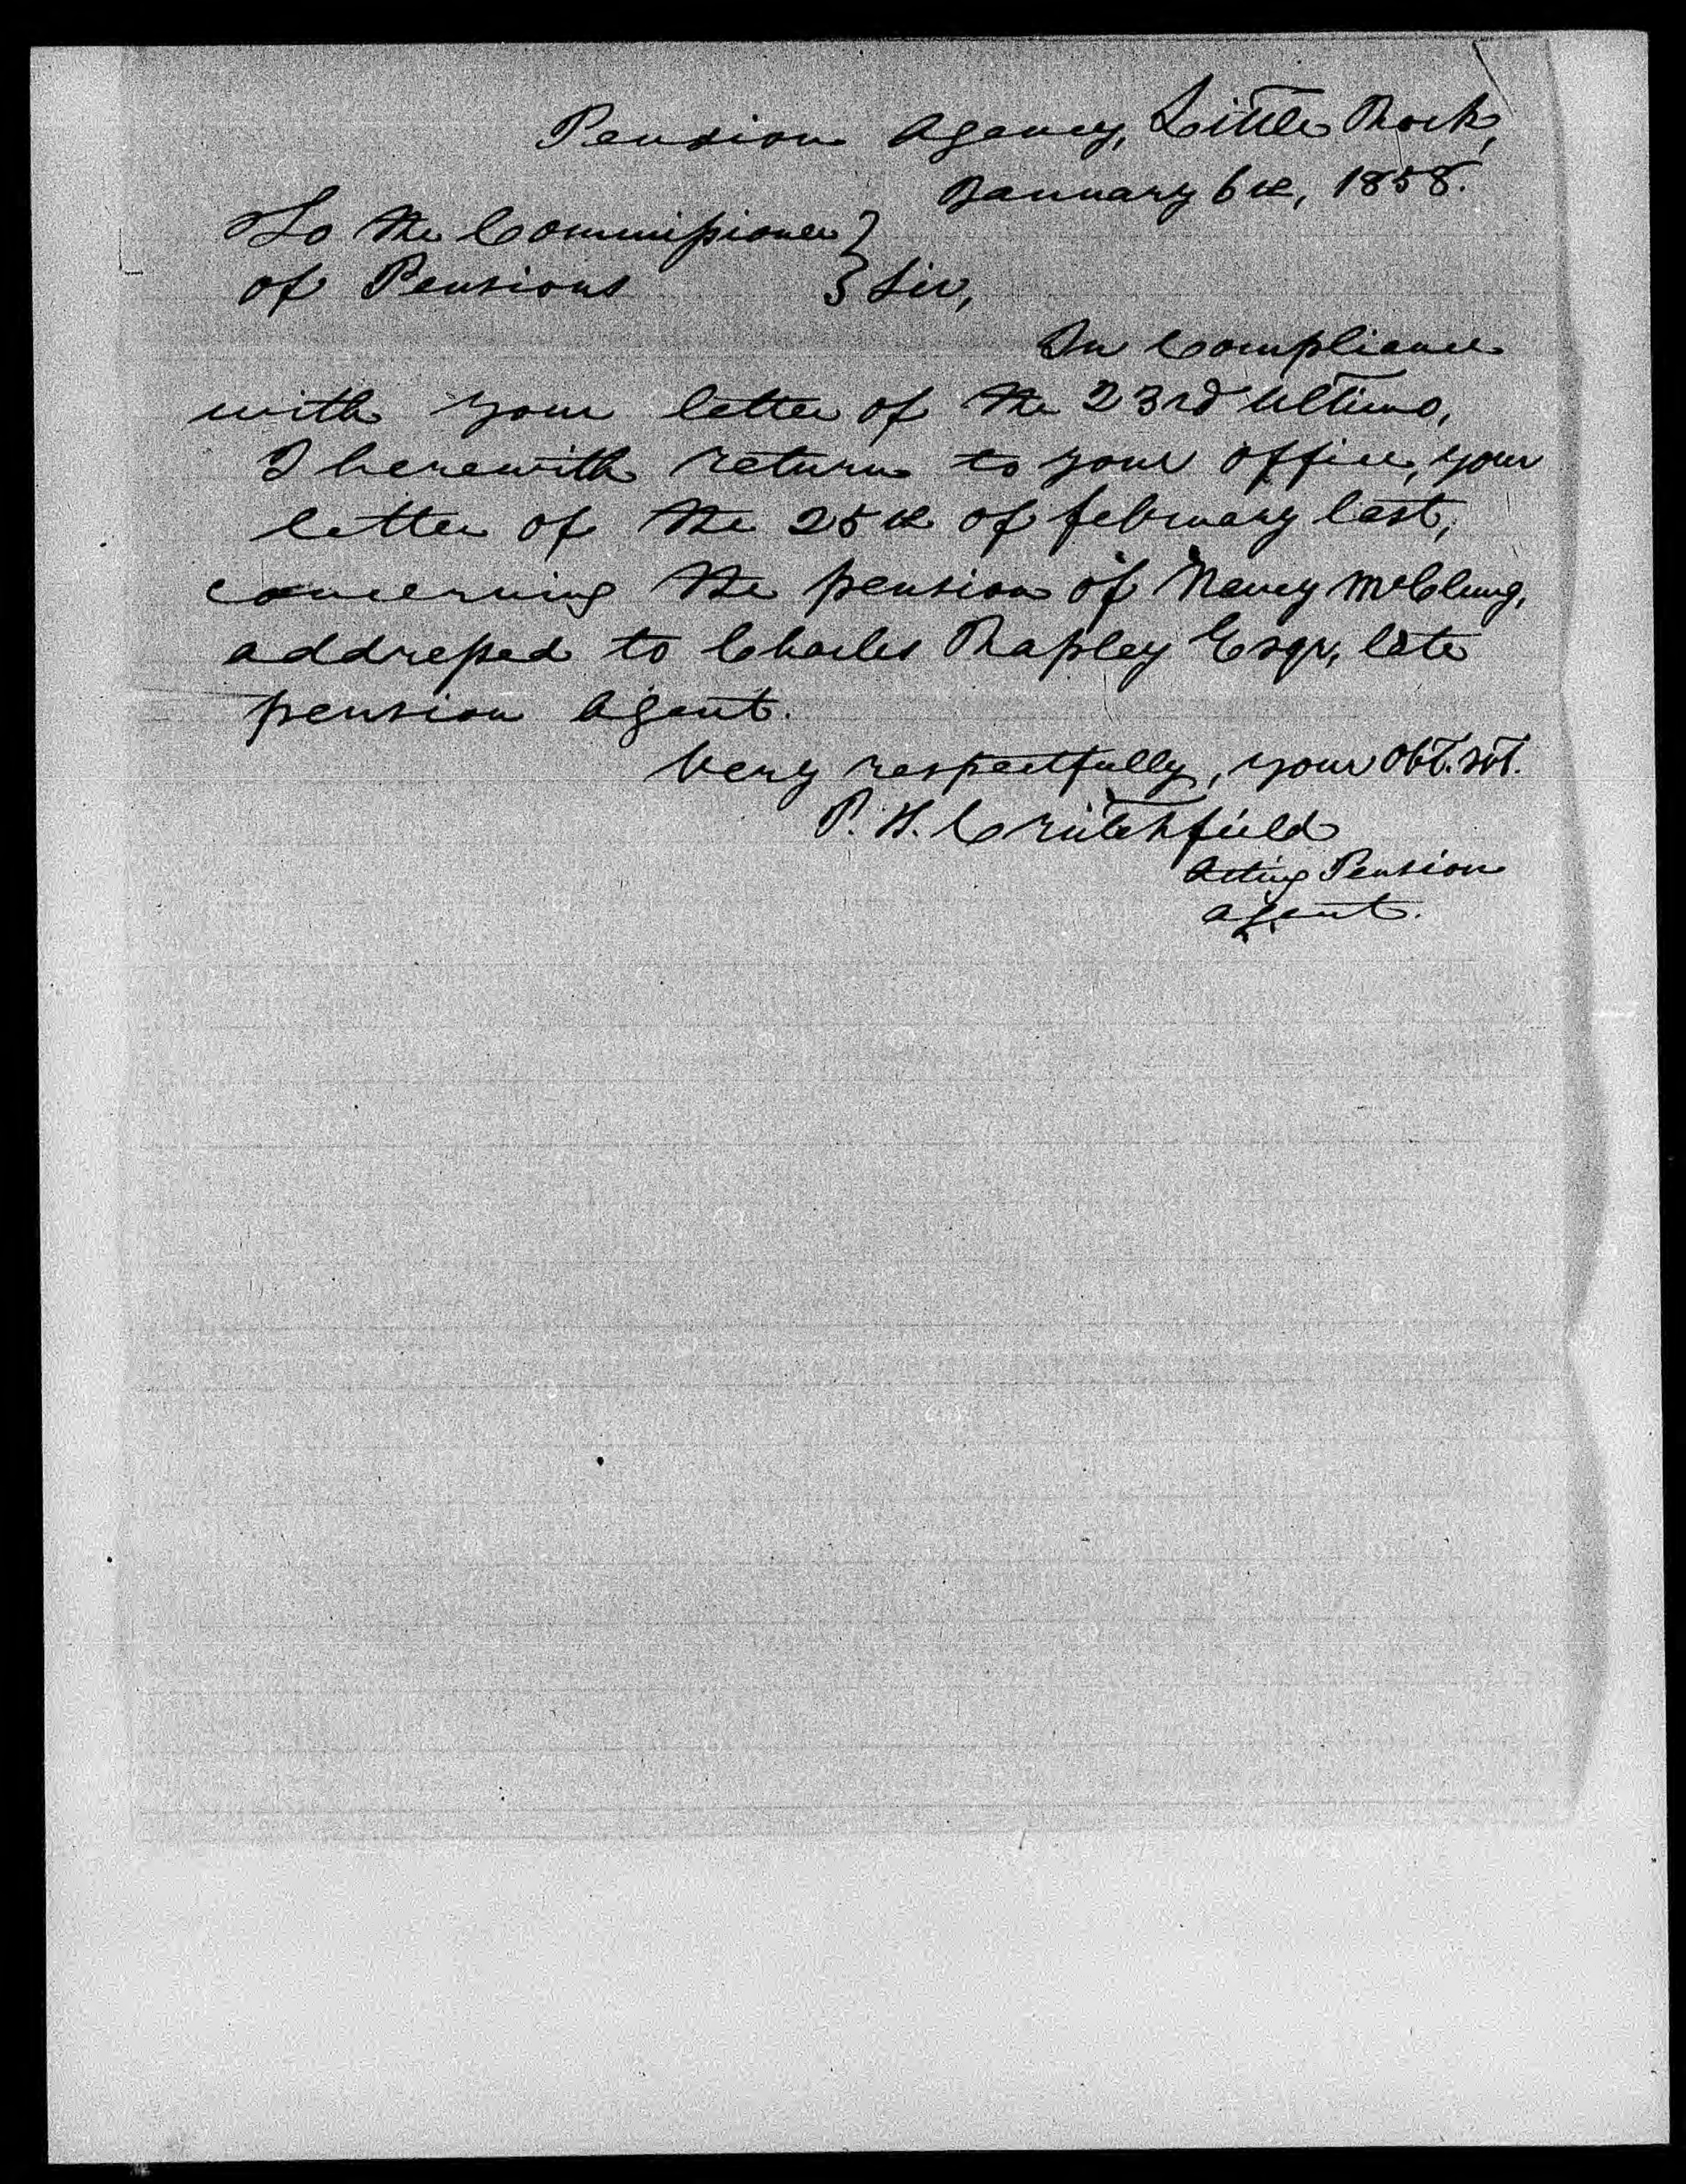Pension Agency,  Little Rock
January 6th, 1858.

To the Commissioner}
of Pensions                   }  Sir,
In Compliance
with your letter of the 23rd ultimo
I herewith return to your office, your
letter of the 25th of February last,
concerning the pension of Nancy McClung
addressed to Charles Mapley Esqr, late
pension Agent.

Very respectfully, your obt. svt.
P.H. Crutchfield
Acting Pension
agent.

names: Charles Mapley; P H Crutchfield; Nancy Mc Clung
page: 65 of 115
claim: widow's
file: W. 1446, for John Mc Clung, South Carolina